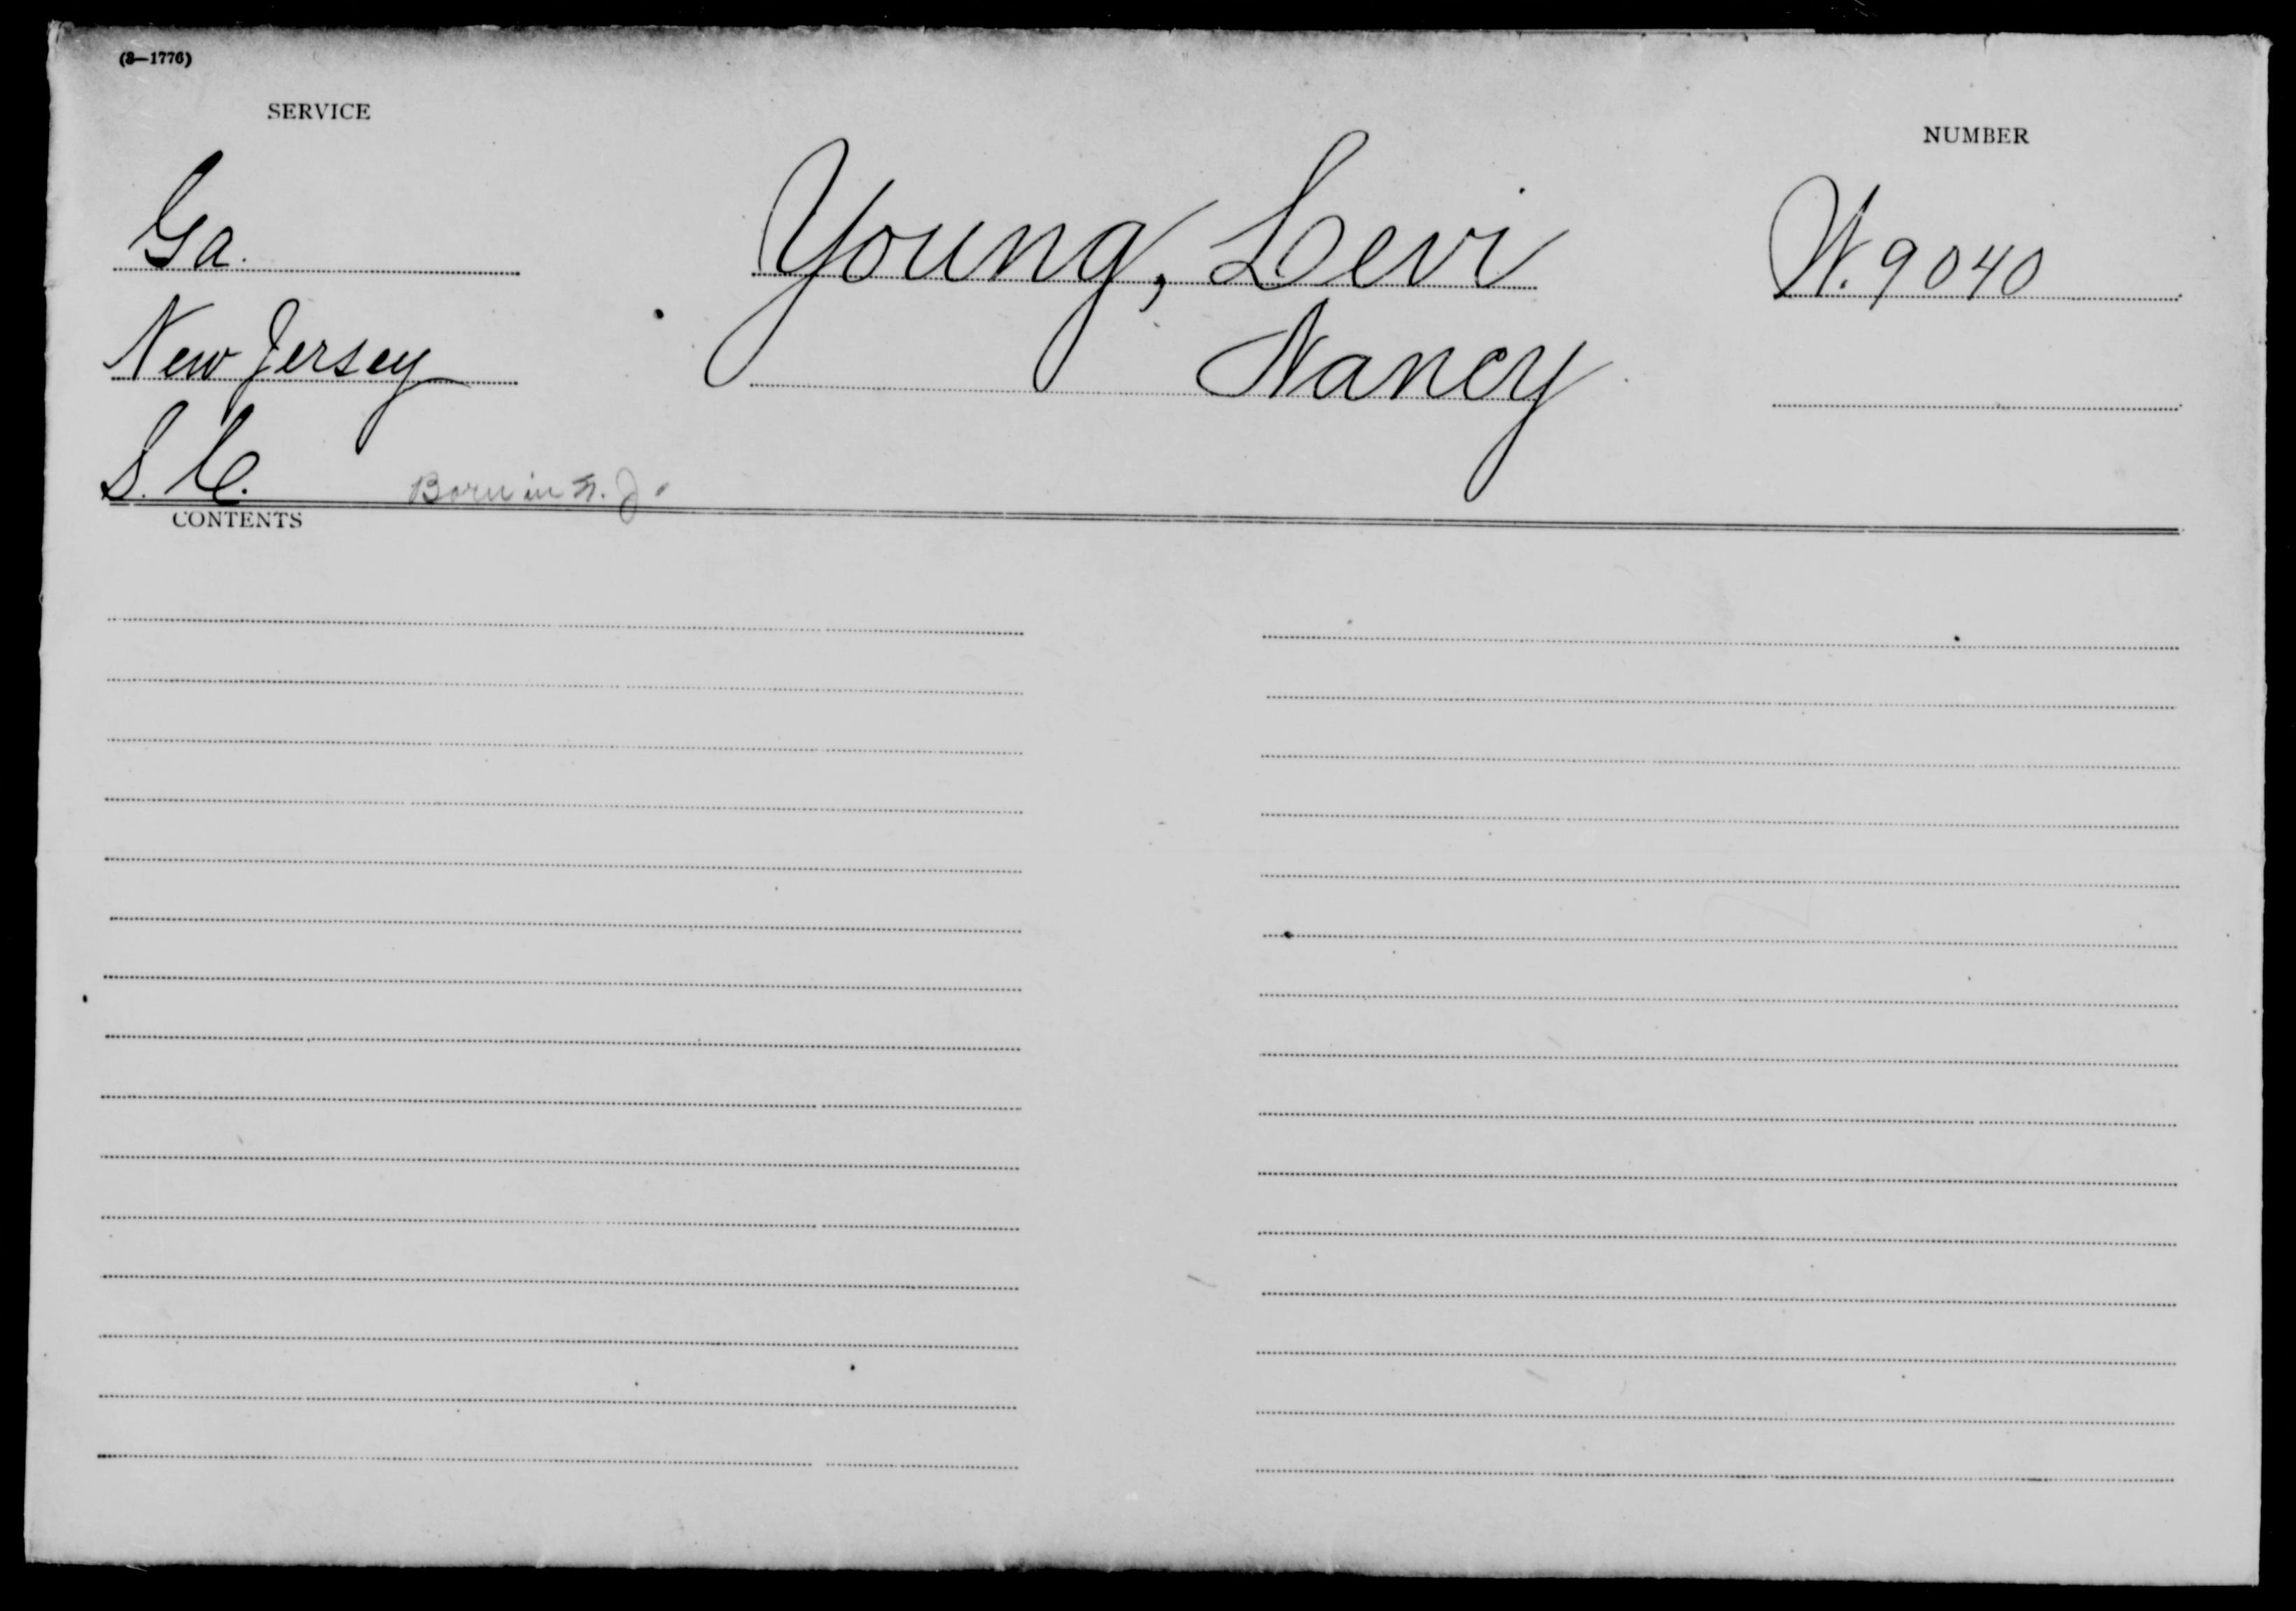Service
Ga. [Georgia]j    Young, Levi           W9040
New Jersey         Nancy
S.C. 
Born in N.J.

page: 1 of 56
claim: widow's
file: W. 9040, Levi Young, Ga. New Jersey S.C.